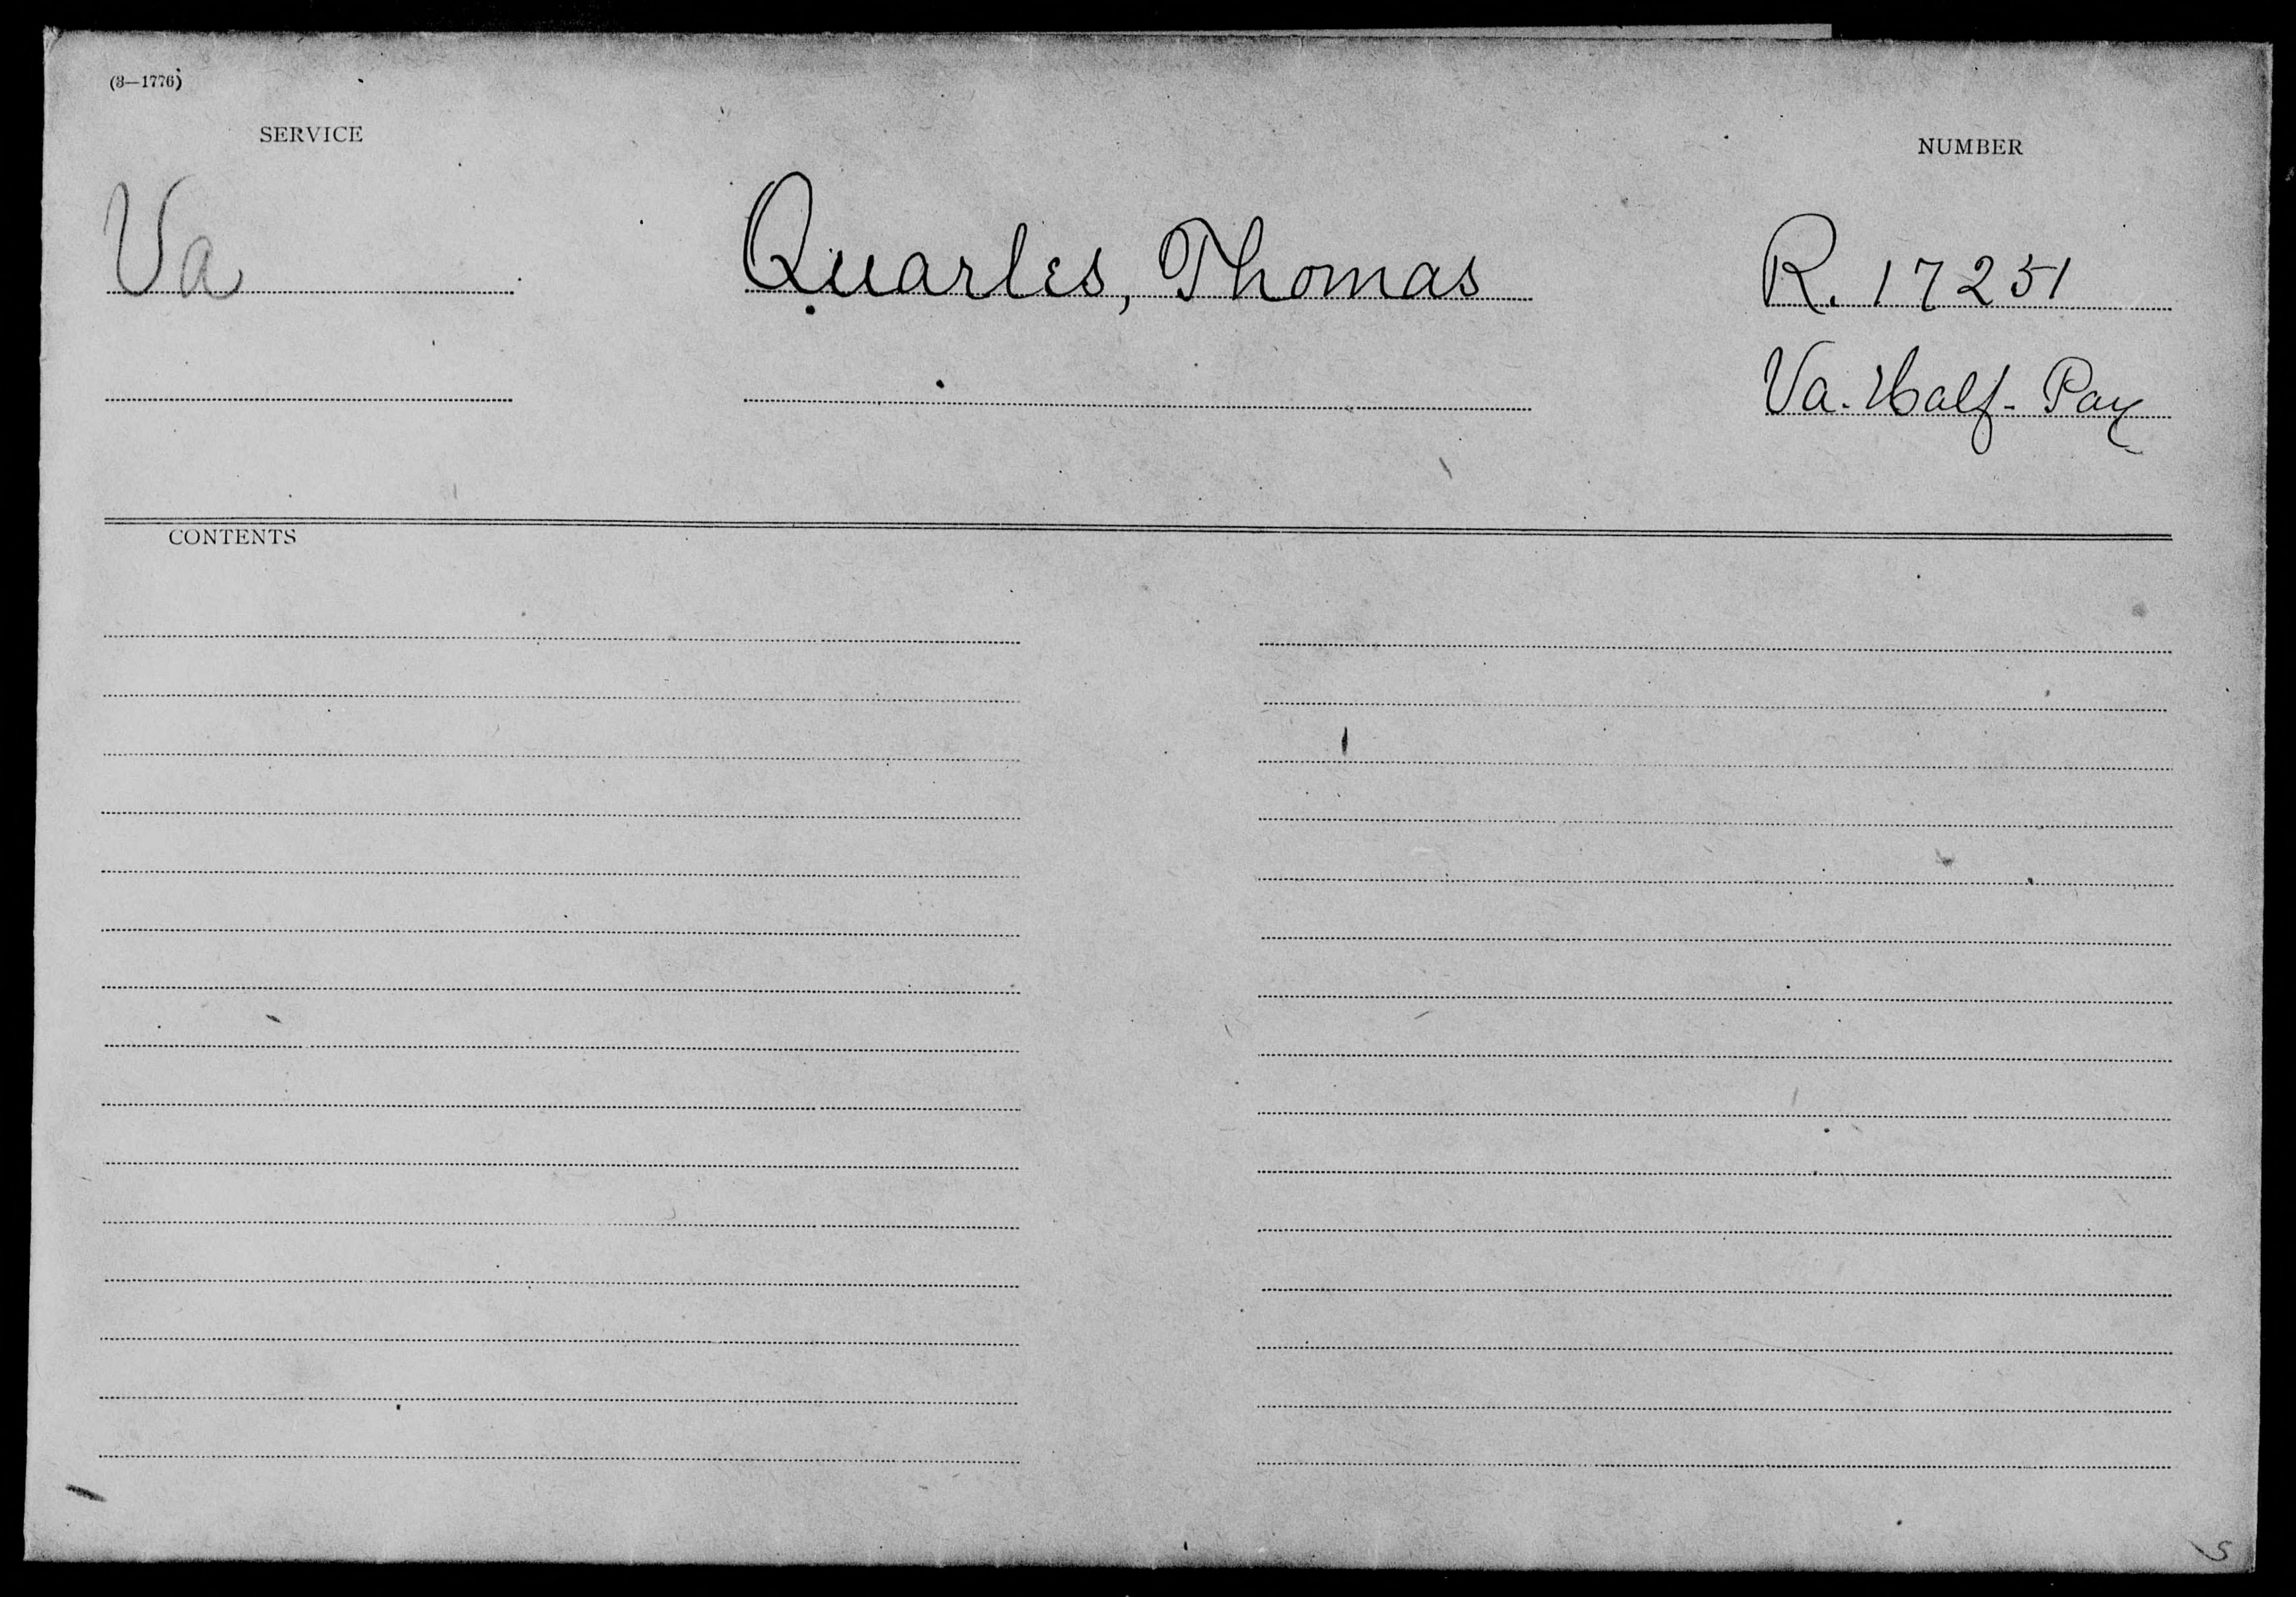Service : Va
Quarles, Thomas
Number R.17251
Va Half. Pay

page: 1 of 22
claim: rejected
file: R. 17251, for Thomas Quarles, Virginia